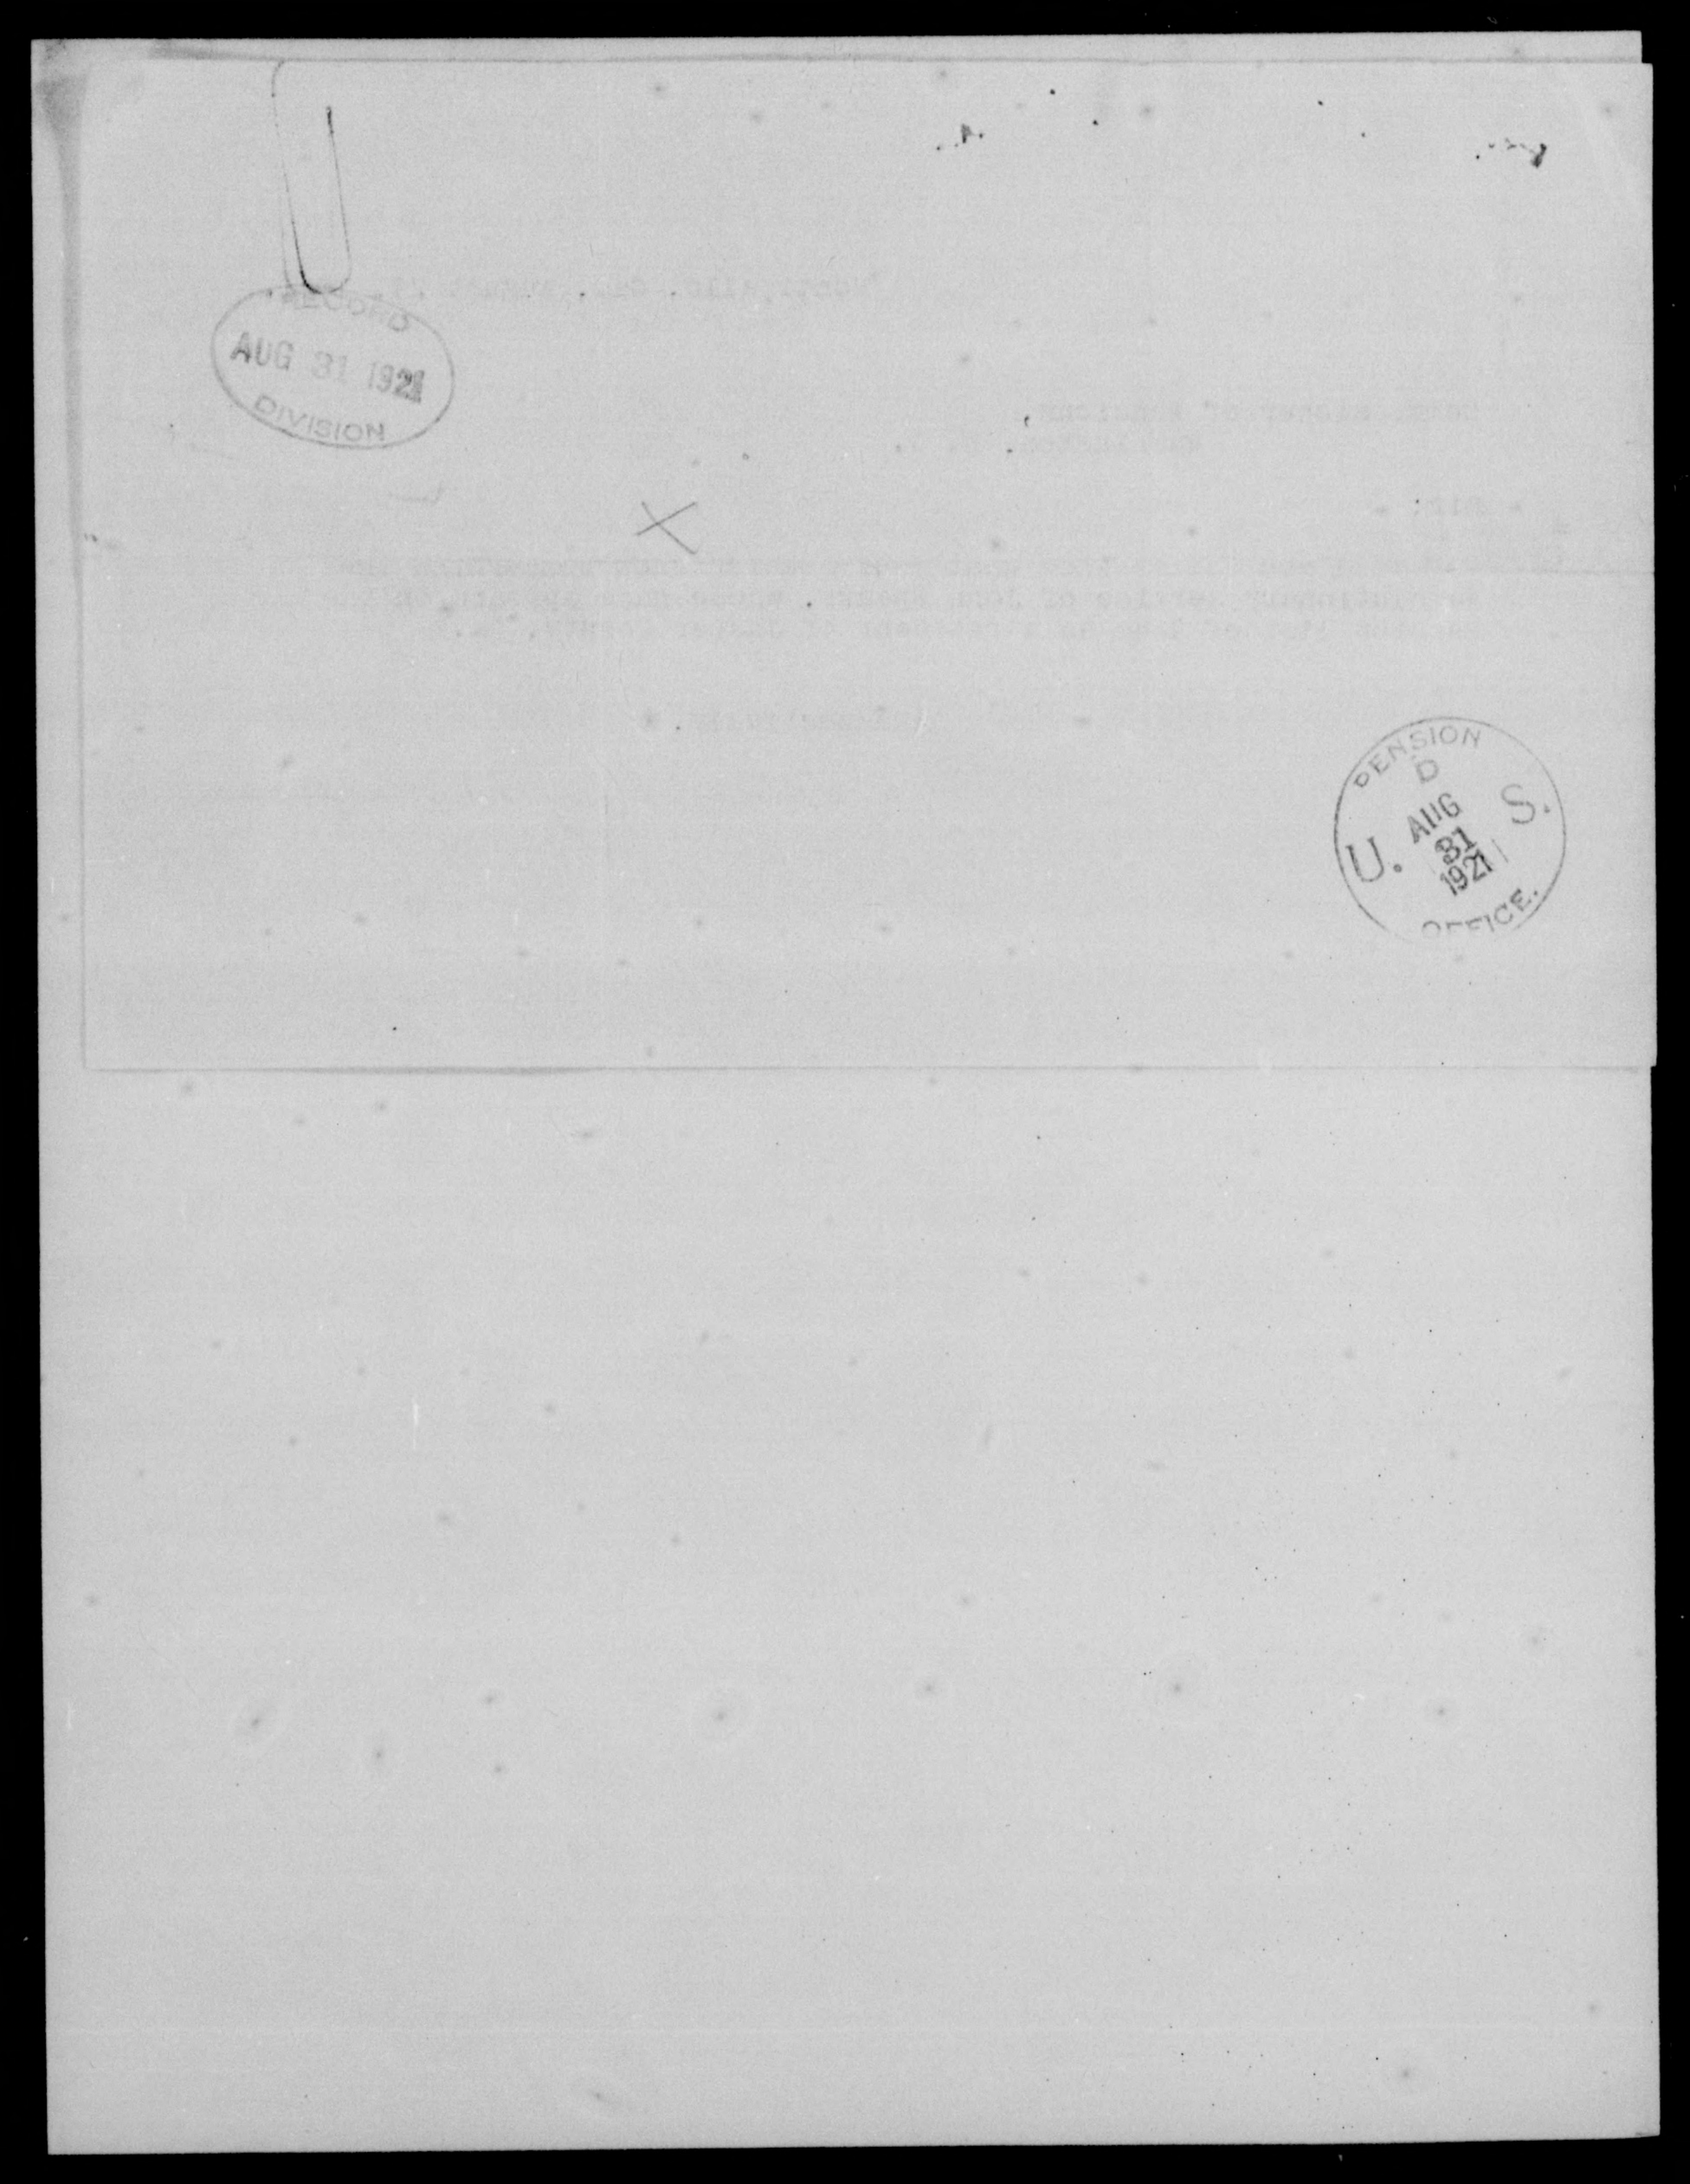[black ink oval stamp]
RECORD DIVISION
AUG 31 1921

[black ink round stamp]
PENSION OFFICE.
U.S. 
AUG 31 1921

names: [BLANK]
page: 4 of 12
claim: survivor's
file: S. 39851, for John Spears, Virginia